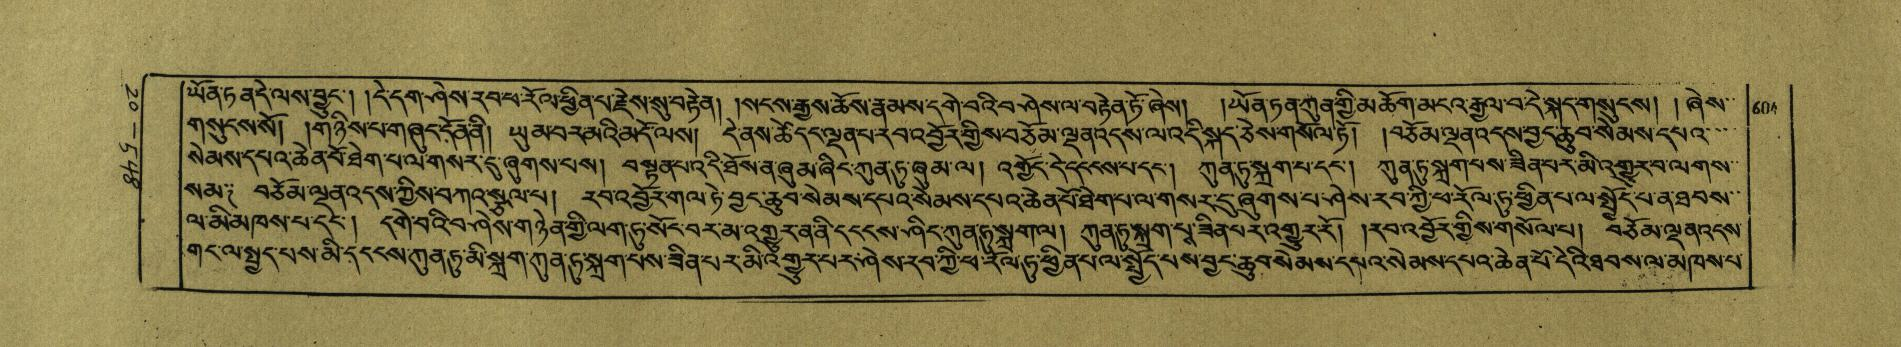ཡོན་ཏན་དེ་ལས་བྱུང་། །དེ་དག་ཤེས་རབ་ཕ་རོལ་ཕྱིན་པ་རྗེས་སུ་བརྟེན། །སངས་རྒྱས་ཆོས་རྣམས་དགེ་བའི་བཤེས་ལ་བརྟེན་ཏོ་ཞེས། །ཡོན་ཏན་ཀུན་གྱི་མཆོག་མངའ་རྒྱལ་བ་དེ་སྐད་གསུངས། །ཞེས་
གསུངས་སོ། །གཉིས་པ་གཞུང་དོན་ནི། ཡུམ་བར་མའི་མདོ་ལས། དེ་ནས་ཚེ་དང་ལྡན་པ་རབ་འབྱོར་གྱིས་བཅོམ་ལྡན་འདས་ལ་འདི་སྐད་ཅེས་གསོལ་ཏོ། །བཅོམ་ལྡན་འདས་བྱང་ཆུབ་སེམས་དཔའ་
སེམས་དཔའ་ཆེན་པོ་ཐེག་པ་ལ་གསར་དུ་ཞུགས་པས། བསྟན་པ་འདི་ཐོས་ན་ཞུམ་ཞིང་ཀུན་ཏུ་ཞུམ་ལ། འགྱོད་དེ་དངངས་པ་དང་། ཀུན་ཏུ་སྐྲག་པ་དང་། ཀུན་ཏུ་སྐྲག་པས་ཟིན་པར་མི་འགྱུར་བ་ལགས་
སམ༑ བཅོམ་ལྡན་འདས་ཀྱིས་བཀའ་སྩལ་པ། རབ་འབྱོར་གལ་ཏེ་བྱང་ཆུབ་སེམས་དཔའ་སེམས་དཔའ་ཆེན་པོ་ཐེག་པ་ལ་གསར་དུ་ཞུགས་པ་ཤེས་རབ་ཀྱི་ཕ་རོལ་ཏུ་ཕྱིན་པ་ལ་སྤྱོད་པ་ན་ཐབས་
ལ་མི་མཁས་པ་དང་། དགེ་བའི་བཤེས་གཉེན་གྱི་ལག་ཏུ་སོང་བར་མ་འགྱུར་ན་ནི་དངངས་ཤིང་ཀུན་ཏུ་སྐྲག་ལ། ཀུན་ཏུ་སྐྲག་པས་ཟིན་པར་འགྱུར་རོ། །རབ་འབྱོར་གྱིས་གསོལ་པ། བཅོམ་ལྡན་འདས་
གང་ལ་སྤྱད་པས་མི་དངངས་ཀུན་ཏུ་མི་སྐྲག་ཀུན་ཏུ་སྐྲག་པས་ཟིན་པར་མི་འགྱུར་པར་ཤེས་རབ་ཀྱི་ཕ་རོལ་ཏུ་ཕྱིན་པ་ལ་སྤྱོད་པས་བྱང་ཆུབ་སེམས་དཔའ་སེམས་དཔའ་ཆེན་པོ་དེའི་ཐབས་ལ་མཁས་པ་